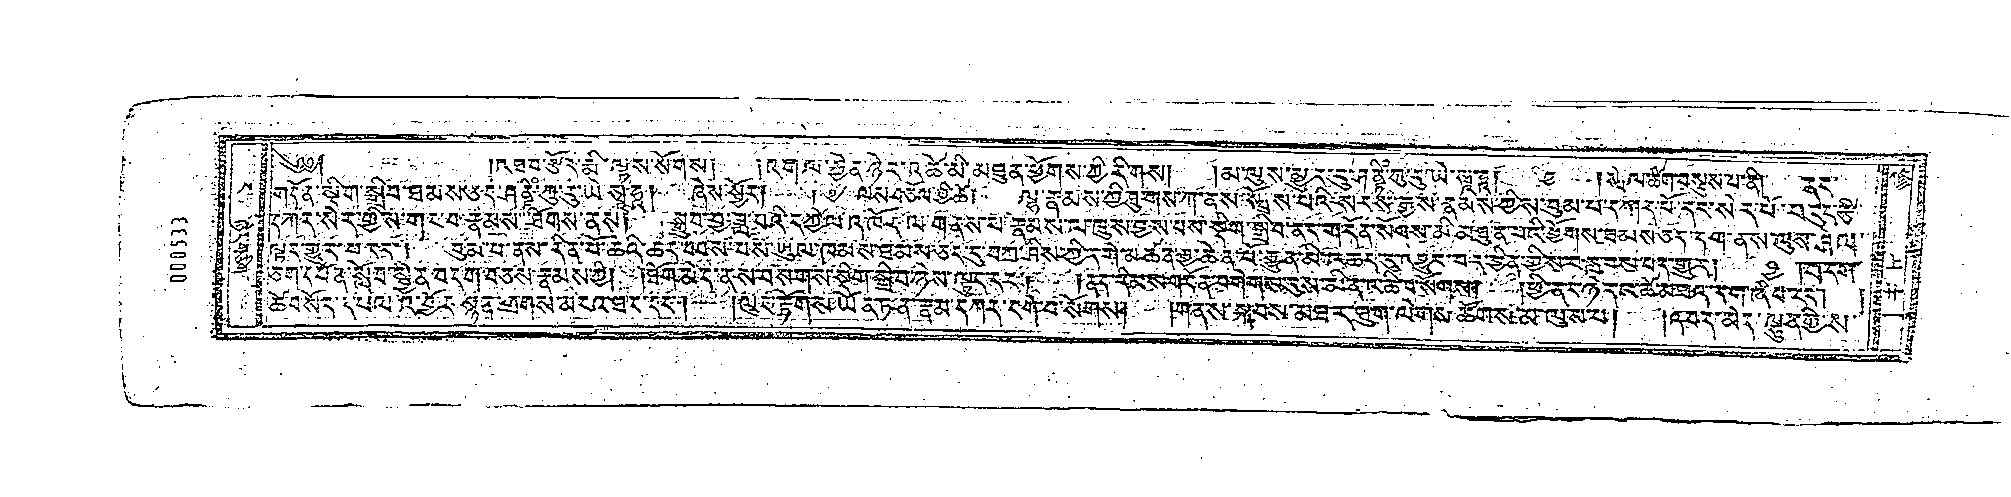༄༅། །འཐབ་རྩོད་རྨི་ལྟས་སོགས། །འགལ་རྐྱེན་ཉེར་འཚེ་མི་མཐུན་ཕྱོགས་ཀྱི་རིགས། །མ་ལུས་མྱུར་དུ་ཤནྟིཾ་ཀུ་རུ་ཡེ་སྭཱཧཱ། ༧་།སྤེལ་ཚིག་བསྡུས་པ་ནི། ནང་
གདོན་སྡིག་སྒྲིབ་ཐམས་ཅད་ཤནྟིཾ་ཀུ་རུ་ཡེ་སྭཱཧཱ། ཞེས་སྦྱོར། ། ༧་ལས་བཅོལ་གྱི་ཚེ། ལྷ་རྣམས་ཀྱི་ཐུགས་ཀ་ནས་སྤྲོས་པའི་སངས་རྒྱས་རྣམས་ཀྱིས་བུམ་པ་དཀར་པོ་དང་སེར་པོ་བདུད་རྩི་
དཀར་སེར་གྱིས་གང་བ་རྣམས་ཐོགས་ནས། སྒྲུབ་བྱ་ཟླ་བའི་དཀྱིལ་འཁོར་ལ་གནས་པ་རྣམས་ལ་ཁྲུས་བྱས་པས་སྡིག་སྒྲིབ་ནང་གདོན་སོགས་མི་མཐུན་པའི་ཕྱོགས་ཐམས་ཅད་དག་ནས་ལུས་ཤེལ་
ལྟར་གྱུར་པ་དང་། བུམ་པ་ནས་རིན་པོ་ཆེའི་ཆར་བབས་པས་ཡུལ་ཁམས་ཐམས་ཅད་དུ་བཀྲ་ཤིས་ཀྱི་དགེ་མཚན་རྒྱ་ཆེན་པོ་རྒྱུན་མི་འཆད་དུ་འབྱུང་བར་བྱིན་གྱིས་བརླབས་པར་གྱུར། ༧་།བདག་
ཅག་དཔོན་སློབ་སྦྱིན་བདག་བཅས་རྣམས་ཀྱི། །ཐོག་མེད་ནས་བསགས་སྡིག་སྒྲིབ་ཉེས་ལྟུང་དང་། །ནད་རིགས་གདོན་བགེགས་དུས་མིན་འཆི་བ་སོགས། །ཕྱི་ནང་ཉེར་འཚེ་མཐའ་དག་ཞི་བ་དང་། །
ཚེ་བསོད་དཔལ་འབྱོར་སྙན་གྲགས་མངའ་ཐང་དང་། །ལུང་རྟོགས་ཡོན་ཏན་རྣམ་དཀར་དགེ་བ་སོགས། །གནས་སྐབས་མཐར་ཐུག་ལེགས་ཚོགས་མ་ལུས་པ། །འབད་མེད་ལྷུན་གྱིས་